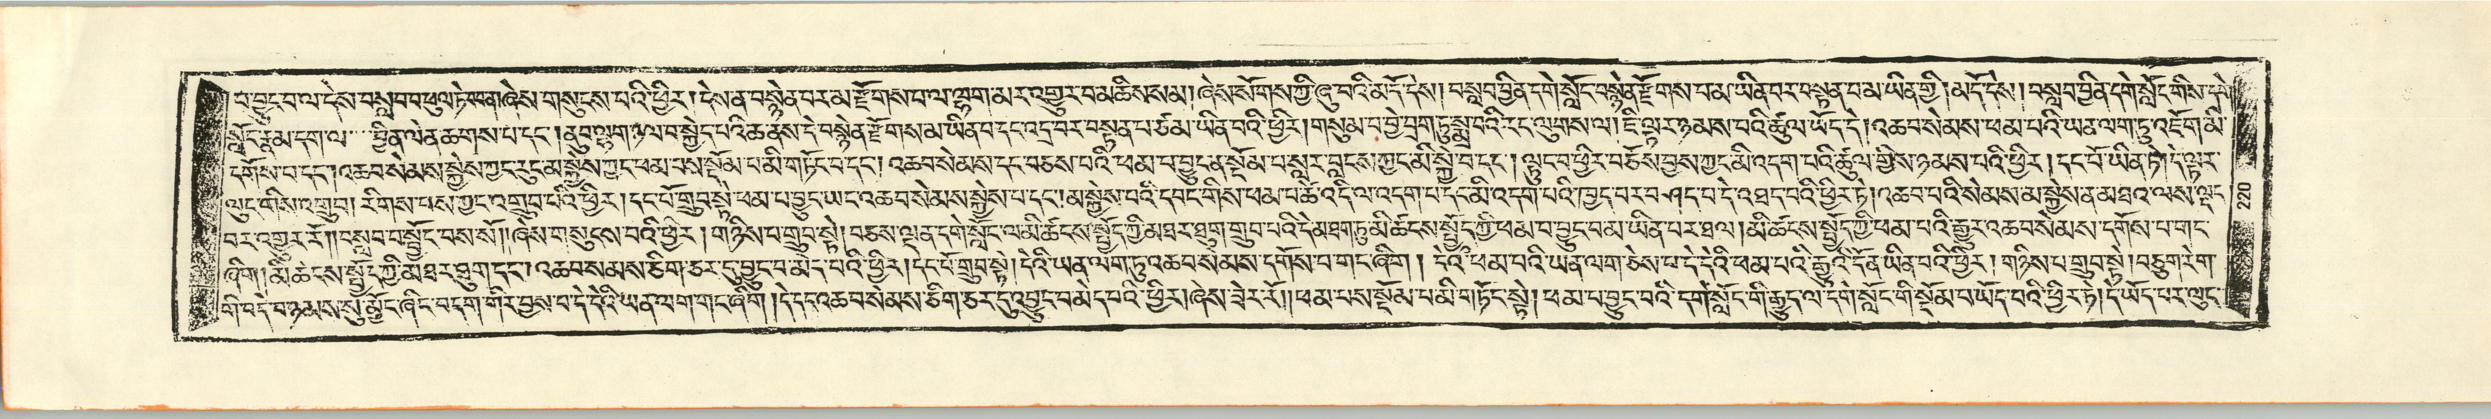བ་བྱུང་བ་ལ་དེས་བསླབ་པ་ཕུལ་ཏེ་བབ་ན། ཞེས་གསུངས་པའི་ཕྱིར། དེས་ན་བསྙེན་པར་མ་རྫོགས་པ་ལ་ལྷག་མར་འགྱུར་བ་མཆིས་སམ། ཞེས་སོགས་ཀྱི་ཞུ་བའི་མདོ་དེས། བསླབ་བྱིན་དགེ་སློང་བསྙེན་རྫོགས་པ་མ་ཡིན་པར་བསྟན་པ་མ་ཡིན་གྱི། མདོ་དེས། བསླབ་བྱིན་དགེ་སློང་གིས་དགེ་
སློང་རྣམ་དག་ལ་བྱིན་ལེན་ཆགས་པ་དང་། ནུབ་ལྷག་ཉལ་བསྐྱེད་པའི་ཆ་ནས་དེ་བསྙེན་རྫོགས་མ་ཡིན་པ་དང་འདྲ་བར་བསྟན་པ་ཙམ་ཡིན་པའི་ཕྱིར། གསུམ་པ་བྱེ་བྲག་ཏུ་སྨྲ་བའི་རང་ལུགས་ལ། ཇི་ལྟར་ཉམས་པའི་ཚུལ་ཡོད་དེ། འཆབ་སེམས་ཕམ་པའི་ཡན་ལག་ཏུ་འཇོག་མི་
དགོས་པ་དང་། འཆབ་སེམས་སྐྱེས་ཀྱང་རུང་མ་སྐྱེས་ཀྱང་ཕམ་པས་སྡོམ་པ་མི་གཏོང་བ་དང་། འཆབ་སེམས་དང་བཅས་པའི་ཕམ་པ་བྱུང་ན་སྡོམ་པ་སླར་བླངས་ཀྱང་མི་སྐྱེ་བ་དང་། ལྟུང་བ་ཕྱིར་བཅོས་བྱས་ཀྱང་མི་འདག་པའི་ཚུལ་གྱིས་ཉམས་པའི་ཕྱིར། དང་པོ་ཡིན་ཏེ། དེ་ལྟར་
ལུང་གིས་འགྲུབ། རིགས་པས་ཀྱང་འགྲུབ་པའི་ཕྱིར། དང་པོ་གྲུབ་སྟེ་ཕམ་པ་བྱུང་ཡང་འཆབ་སེམས་སྐྱེས་པ་དང་། མ་སྐྱེས་པའི་དབང་གིས་ཕམ་པ་ཚེ་འདི་ལ་འདག་པ་དང་མི་འདག་པའི་ཁྱད་པར་བཤད་པ་དེ་འཐད་པའི་ཕྱིར་ཏེ། འཆབ་པའི་སེམས་མ་སྐྱེས་ན་མཐའ་ལས་ལྡང་
བར་འགྱུར་རོ། །བསླབ་པ་སྦྱོང་བས་སོ། །ཞེས་གསུངས་པའི་ཕྱིར། གཉིས་པ་གྲུབ་སྟེ། བཅས་ལྡན་དགེ་སློང་ལ་མི་ཚངས་སྤྱོད་ཀྱི་མཐར་ཐུག་གྲུབ་པའི་དེ་མ་ཐག་ཏུ་མི་ཚངས་སྤྱོད་ཀྱི་ཕམ་པ་བྱུང་བ་མ་ཡིན་པར་ཐལ། མི་ཚངས་སྤྱོད་ཀྱི་ཕམ་པའི་རྒྱུར་འཆབ་སེམས་དགོས་པ་གང་
ཞིག །མི་ཆེངས་སྤྱོད་ཀྱི་མཐར་ཐུག་དང་། འཆབ་སེམས་ཅིག་ཅར་དུ་བྱུང་བ་མེད་པའི་ཕྱིར། དང་པོ་གྲུབ་སྟེ། དེའི་ཡན་ལག་ཏུ་འཆབ་སེམས་དགོས་པ་གང་ཞིག། དེའི་ཕམ་པའི་ཡན་ལག་ཅེས་པ་དེ་དེའི་ཕམ་པའི་རྒྱུའི་དོན་ཡིན་པའི་ཕྱིར། གཉིས་པ་གྲུབ་སྟེ། བཅུག་རེག་
གི་བདེ་བ་ཉམས་སུ་མྱོང་ཞིག་བདག་གིར་བྱས་བ་དེ་དེའི་ཡན་ལག་གང་ཞིག། དེ་དང་འཆབ་སེམས་ཅིག་ཅར་དུ་འབྱུང་བ་མེད་པའི་ཕྱིར། ཞེས་ཟེར་རོ། །ཕམ་པས་སྡོམ་པ་མི་གཏོང་སྟེ། ཕམ་པ་བྱུང་བའི་དགེ་སློང་གི་རྒྱུད་ལ་དགེ་སློང་གི་སྡོམ་པ་ཡོད་པའི་ཕྱིར་ཏེ། དེ་ཡོད་པར་ལུང་